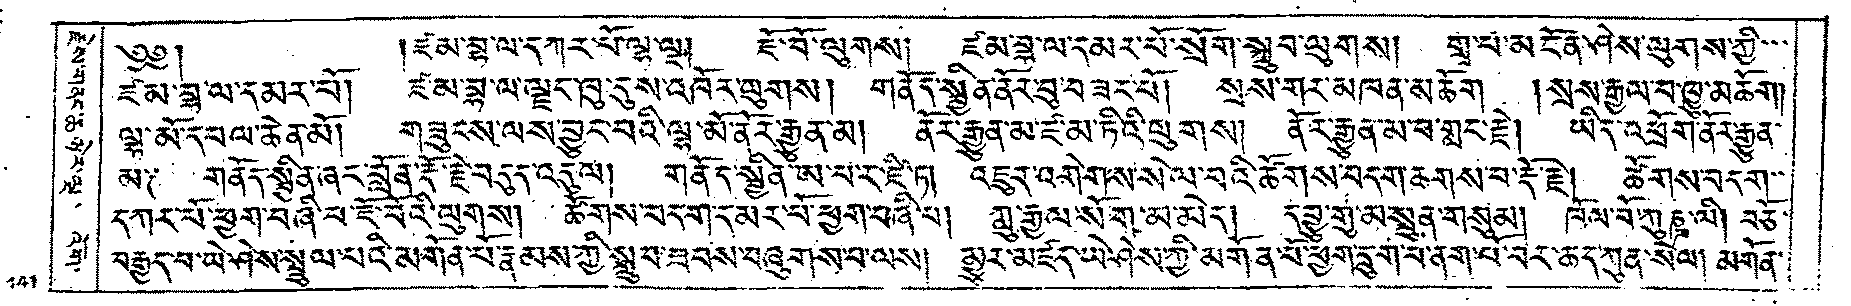༄༅། །ཛམ་བྷ་ལ་དཀར་པོ་ལྷ་ལྔ། ཇོ་བོ་ལུགས། ཛམ་བྷ་ལ་དམར་པོ་སྲོག་སྒྲུབ་ལུགས། གྲྭ་པ་མངོན་ཤེས་ལུགས་ཀྱི་
ཛམ་བྷ་ལ་དམར་པོ། ཛམ་བྷ་ལ་ལྗང་ཁུ་དུས་འཁོར་ལུགས། གནོད་སྦྱིན་ནོར་བུ་བཟང་པོ། སྲས་གར་མཁན་མཆོག །སྲས་རྒྱལ་བ་ཁྱུ་མཆོག །
ལྷ་མོ་དཔལ་ཆེན་མོ། གཟུངས་ལས་བྱུང་བའི་ལྷ་མོ་ནོར་རྒྱུན་མ། ནོར་རྒྱུན་མ་ཛ་མ་ཏིའི་ལུགས། ནོར་རྒྱུན་མ་བ་གླང་རྗེ། ཡིད་འཕྲོག་ནོར་རྒྱུན་
མ༑ གནོད་སྦྱིན་ཞང་བློན་རྡོ་རྗེ་བདུད་འདུལ། གནོད་སྦྱིན་ཨ་པ་ར་ཛི་ཏ། འཇུར་འགེགས་སེལ་བའི་ཚོགས་བདག་ཆགས་པ་རྡོ་རྗེ། ཚོགས་བདག་
དཀར་པོ་ཕྱག་བཞི་པ་ཇོ་བོའི་ལུགས། ཚོགས་བདག་དམར་པོ་ཕྱག་བཞི་པ། ཀླུ་རྒྱལ་སོག་མ་མེད། དབྱུ་གུ་མ་སྤུན་གསུམ། ཁོལ་པོ་ཀུཎྜ་ལི། བཅོ་
བརྒྱད་པ་ཡེ་ཤེས་སྤྲུལ་པའི་མགོན་པོ་རྣམས་ཀྱི་སྒྲུབ་ཐབས་བཞུགས་པ་ལས། མྱུར་མཛད་ཡེ་ཤེས་ཀྱི་མགོན་པོ་ཕྱག་དྲུག་པ་ནག་པོ་བར་ཆད་ཀུན་སེལ། མགོན་